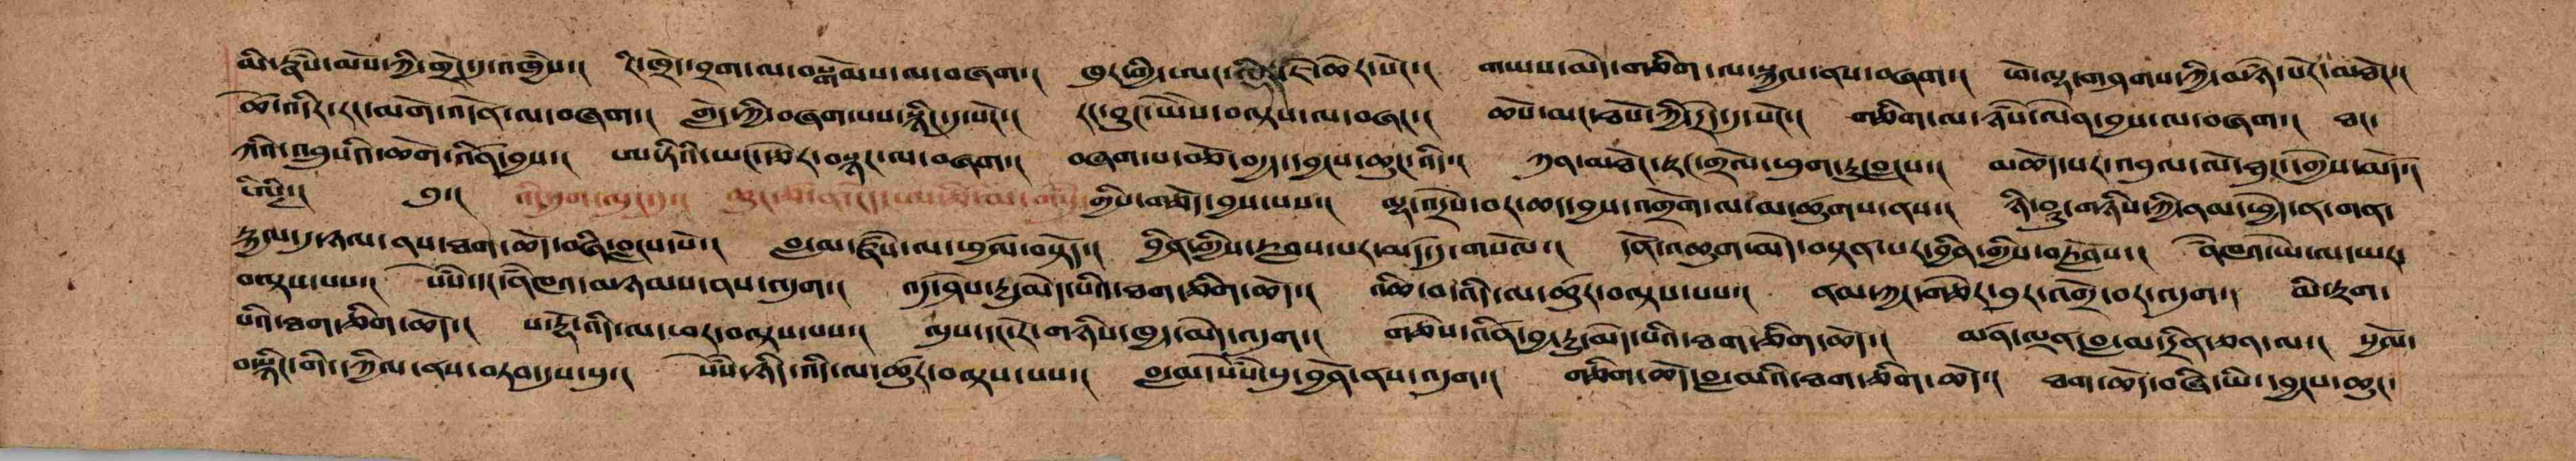མི་རྣམས་མོས་ཀྱི་གྲོང་དུ་འཁྱིས། རི་ཁྲོད་བྲག་ལ་བསྒོམས་ལ་བཞག ཁུར་གྱི་ཨང་ལྡིར་ཇེ་ཆེར་སོང་། གཡས་མེད་གཅིག་ལ་སྐྱལ་ནས་བཞག ཕོ་ལྷ་གཤགས་ཀྱི་མཉམ་པོར་མཐོང་། 
ཚེ་འདིར་རང་མགོ་འདོན་ལ་བཞག གློད་ཀྱི་བཞག་པས་སྙིང་དུ་སོང་། རང་བྱུང་ཡེ་ཤེས་བལྟས་ལ་བཞགས། ཆོས་མང་ཐོས་ཀྱི་དྲེད་དུ་སོང་། གཅིག་ལ་ཉམས་ལེན་བྱས་ལ་བཞག ཐང་
ཀའི་འབྲས་བུའི་ཆོག་འཛིན་བྱས། ཨ་ཏིའི་ཡང་རྩེར་བསྙགས་ལ་བཞག བཞག་པ་བཅོ་བརྒྱད་དབྱངས་ཆུང་འདི། ཀུན་མཐོང་རྟགས་གྲོལ་ཕུག་ཏུ་བླངས། མཆོད་པར་འབུལ་ལོ་ཐུགས་དགྱེས་མཛོད། 
ཨིཊི། ༄་། འདི་དྲུག་ལུང་དུ། ཆུང་ཙ་ན་ངེད་ཨ་ཙི་མ་གསུམ་གྱིས་གཅོད་བྱས་པས། ལྷ་འདྲེས་བར་ཆོད་བྱས་འགྲོག་ལ་མ་ཚུགས་ནས། ཉི་ཤུ་གཉིས་ཀྱི་ནམ་ཕྱེད་ན་གན་
སྐྱལ་དུ་ཉམ་ནས་ཐག་ཆོད་བཞི་བླངས་སོ། བླ་མ་རྣམས་ལ་ཕྱག་འཚལ་བསྟོད། བྱིན་གྱིས་རླབས་པར་མཛད་དུ་གསོལ། དོན་འཆུག་མེད་བསྟན་པར་བྱིན་གྱིས་བརློབས། ནམ་མཁའ་ཡེ་ལ་ཡར་
བལྟས་པས། སེམས་དང་ནམ་མཁའ་མཉམས་ནས་འདུག། འདུ་ཤེས་དྱུ་མེད་པའི་ཐག་ཅིག་ཆོད། འཆི་བ་འདི་ལ་ཚུར་བལྟས་པས། ནམ་ཀྱང་གཅེར་བུར་འགྲོ་བར་འདུག མི་རྟག་
པའི་ཐག་ཅིག་ཆོད། ས་རྡོ་འདི་ལ་ཕར་བལྟས་པས། ལུས་དང་རེ་གཉིས་ཁྱད་མེད་འདུག གཅེས་འཛིན་བྱ་དྱུ་མེད་པའི་ཐག་ཅིག་ཆོད། མཚན་ལྡན་བླ་མ་དྲིན་ཅན་ལ། གསོལ་
བ་སྙིང་གི་དཀྱིལ་ནས་བཏབ་དུས་སུ། སེམས་ཉིད་འདི་ལ་ཚུར་བལྟས་པས། བླ་མ་སེམས་སུ་བྱོན་ནས་འདུག གཅིག་ཆོད་བླ་མའི་ཐག་ཅིག་ཆོད། ཐག་ཆོད་བཞི་ཡི་དབྱངས་ཆུང་